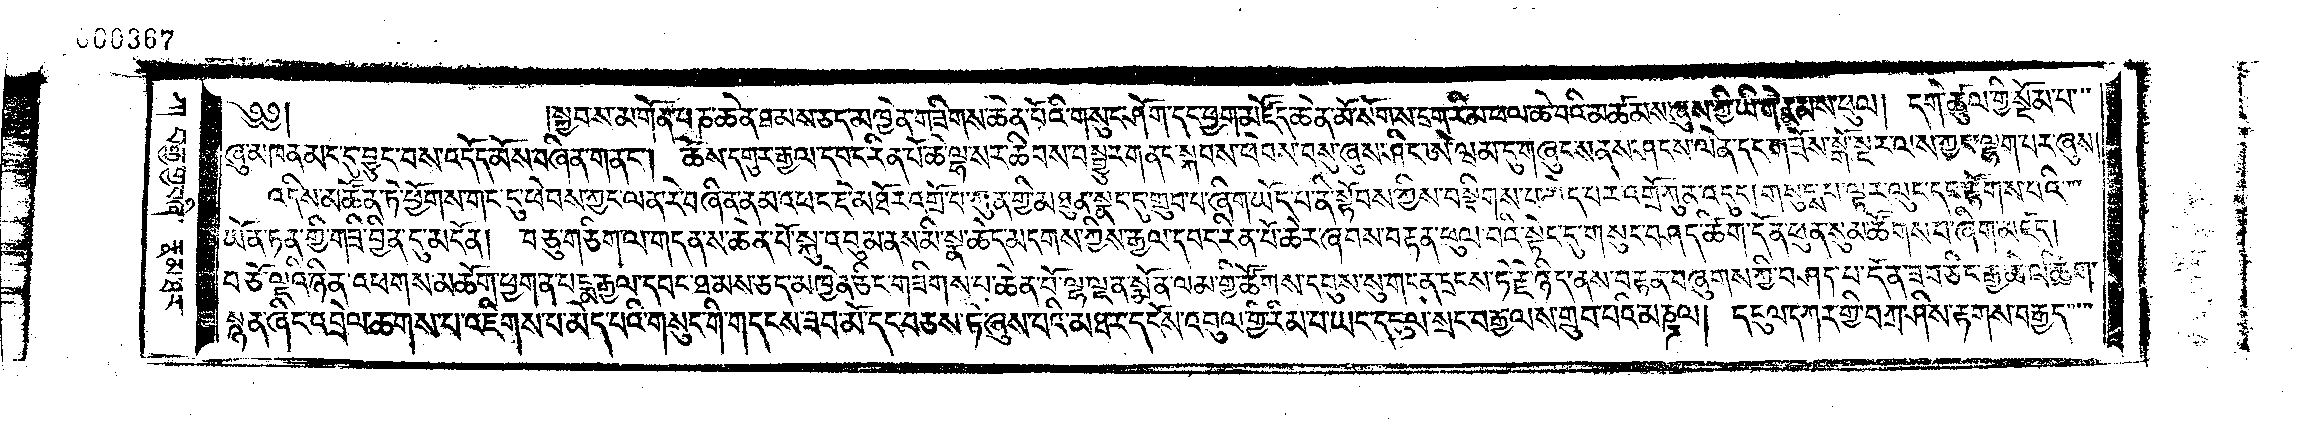༄༅། །སྐྱབས་མགོན་པཎ་ཆེན་ཐམས་ཅད་མཁྱེན་གཟིགས་ཆེན་པོའི་གསུང་ཤོག་དང་ཕྱག་མཛོད་ཆེན་མོ་སོགས་དྲག་རིམ་ཕལ་ཆེ་བའི་མཚམས་ཞུས་ཀྱི་ཡི་གེ་རྣམས་ཕུལ། དགེ་ཚུལ་གྱི་སྡོམ་པ་
ཞུ་མཁན་མང་དུ་བྱུང་བས་འདོད་མོས་བཞིན་གནང་། ཚེས་དགུར་རྒྱལ་དབང་རིན་པོ་ཆེ་ལྷ་སར་ཆིབས་བསྒྱུར་གནང་སྐབས་ཕེབས་བསུ་ཞུས་ཤིང་ཨ་ཝ་མ་དུ་གཞུང་ས་ནས་ཤངས་ལེན་དང་གཟོས་སྒོ་སྔར་ལས་ཀྱང་ལྷག་པར་ཞུས།
འདིས་མཚོན་ཏེ་ཕྱོགས་གང་དུ་ཕེབས་ཀྱང་ལན་རེ་བཞིན་ནམ་འཕང་ཇེ་མཐོར་འགྲོ་བ་ཀུན་གྱི་མཐུན་སྣང་དུ་གྲུབ་པ་ཞིག་ཡོད་པ་ནི་སྟོབས་ཀྱིས་བསྡིགས་པ་མེད་པར་འགྲོ་ཀུན་འདུད། གསུངས་པ་ལྟར་ལུང་དང་རྟོགས་པའི་
ཡོན་ཏན་གྱི་གཟི་བྱིན་དུ་མངོན། བཅུ་གཅིག་ལ་གདན་ས་ཆེན་པོ་སྐུ་འབུམ་ནས་མི་སྣ་ཆེད་མངགས་ཀྱིས་རྒྱལ་དབང་རིན་པོ་ཆེར་ཞབས་བརྟན་ཕུལ་བའི་སྟེང་དུ་གསུང་བཤད་ཚིག་དོན་ཕུན་སུམ་ཚོགས་པ་ཞིག་མཛད།
བཅོ་ལྔའི་ཉིན་འཕགས་མཆོག་ཕྱག་ན་པདམ་རྒྱལ་དབང་ཐམས་ཅད་མཁྱེན་ཅིང་གཟིགས་པ་ཆེན་པོ་ལྷ་ལྡན་སྨོན་ལམ་གྱི་ཚོགས་དབུས་སུ་གདན་དྲངས་ཏེ་རྗེ་ཉིད་ནས་བརྟན་བཞུགས་ཀྱི་བཤད་པ་དོན་ཟབ་ཅིང་རྒྱ་ཆེ་ལ་ཚིག་
སྙན་ཞིང་འབྲེལ་ཆགས་པ་འཇིགས་པ་མེད་པའི་གསུང་གི་གདངས་ཟབ་མོ་དང་བཅས་ཏེ་ཞུས་པའི་མཐར་དངོས་འབུལ་གྱི་རིམ་པ་ཡང་དངུལ་སྲང་བརྒྱ་ལས་གྲུབ་པའི་མཎྜལ། དངུལ་དཀར་གྱི་བཀྲ་ཤིས་རྟགས་བརྒྱད་